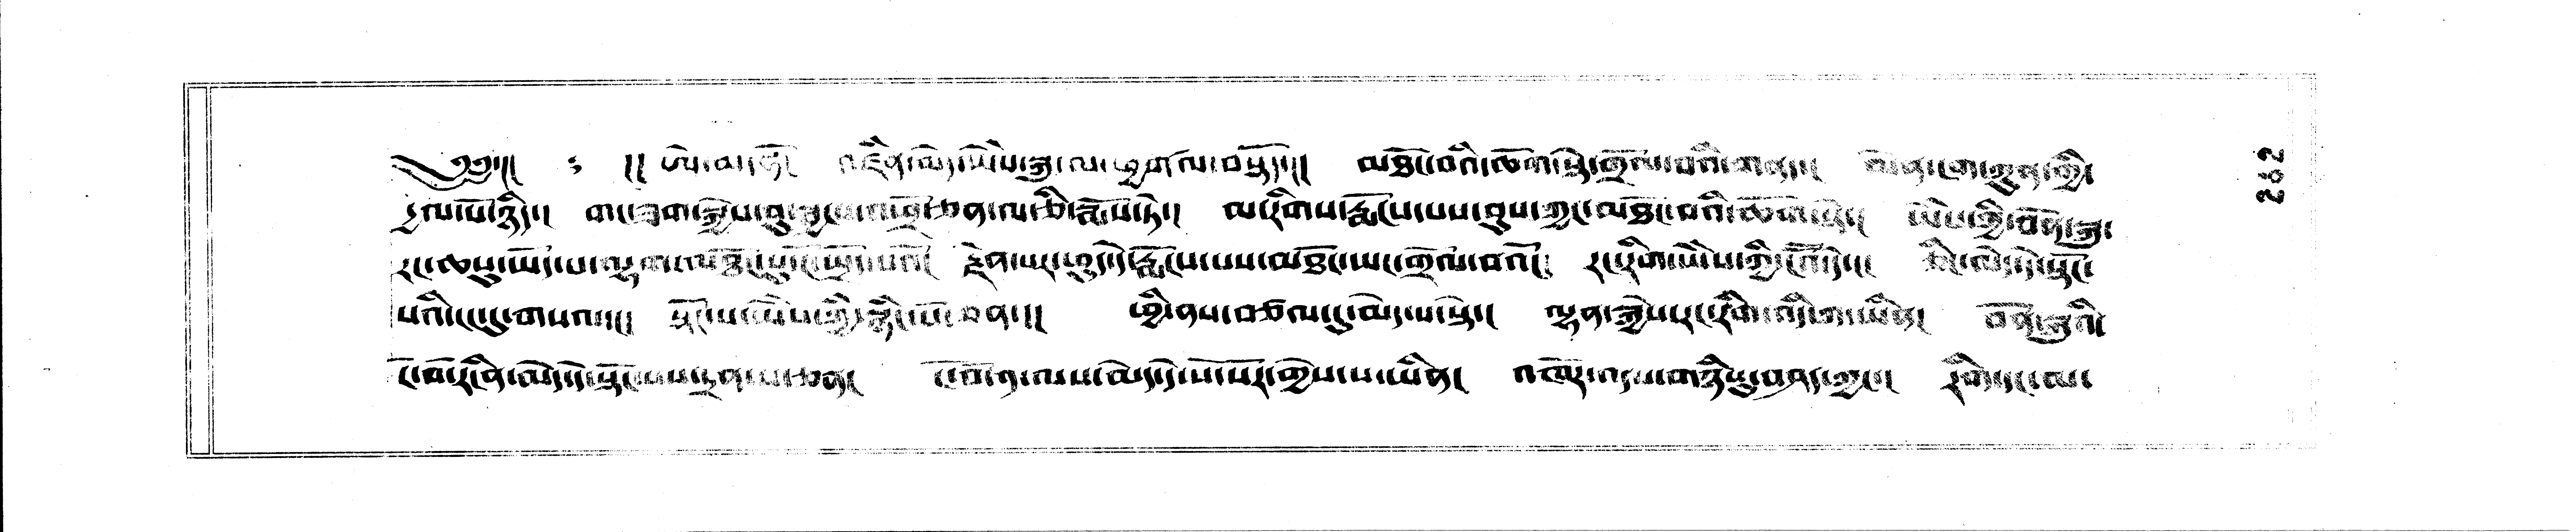༄༅།།ཨེ་མ་ཧོ། འཛིན་མེད་ཡེ་ཤེས་སྐུ་ལ་ཕྱག་འཚལ་ལོ། མཐོང་བས་ཆོག་སྟེ་གྲོལ་བའི་མེན་ངག་ཀུན་གྱིས་
རྒྱལ་པོ་ཉིད། གང་ཟག་སྐྱེས་བུ་སྦྱངས་འཕྲོ་ཅན་ལ་སྨོས་ཅི་དགོས། མ་རིག་རྨོངས་པའི་བུས་ཀྱང་མཐོང་བས་ཆོག་སྟེ། ཡེ་གནས་ཀྱིས་བོན་སྐུ་
རང་ཆས་སུ་ཡོད་པས་ལྷག་མཐོང་དུ་ངོ་སྤྲད་པའོ། རྗེན་པར་ཕུད་དེ་རྨོངས་པས་མཐོང་བས་གྲོལ་བའོ། རང་རིག་སེམས་ཀྱི་ངོའོ་དེ། ཅིར་ཡང་མེད་དེ་སྟོང་
པའི་ངང་དུ་གསལ། སྟོང་པ་ཡེ་ཤེས་ཀྱི་སྙིང་པོ་ཅན། ཕྱི་ནས་བརྩལ་དུ་མེད་པ་སྟེ། ལྷན་སྐྱེས་རང་རིག་འདི་ཀ་ཡིན། བོན་སྐུའི་
ངོའོ་རང་བཞིན་མེད་དེ་སྟོང་པའི་དྲན་པ་ཅན། རྫོགས་སྐུའི་ངོའོ་རང་རིག་གསལ་ཏེ་འཛིན་མེད་བློ་འདས་ངང་། སྤྲུལ་སྐུའི་ངོའོ་ཕྱོགས་མེད་གསལ་ཏེ་ངོས་འཛིན་བྲལ་བའོ། སྐུ་གསུམ་ངོའོ་སེམས་ཉིད་རིན་པོ་ཆེ། ངོའོ་གཅིག་ལས་མེད་དེ་སོ་སོར་གྱེས་པ་ཡིན། འཁོར་འདས་གཉིས་སུ་བཤད་ཀྱང་ རིག་དང་མ་